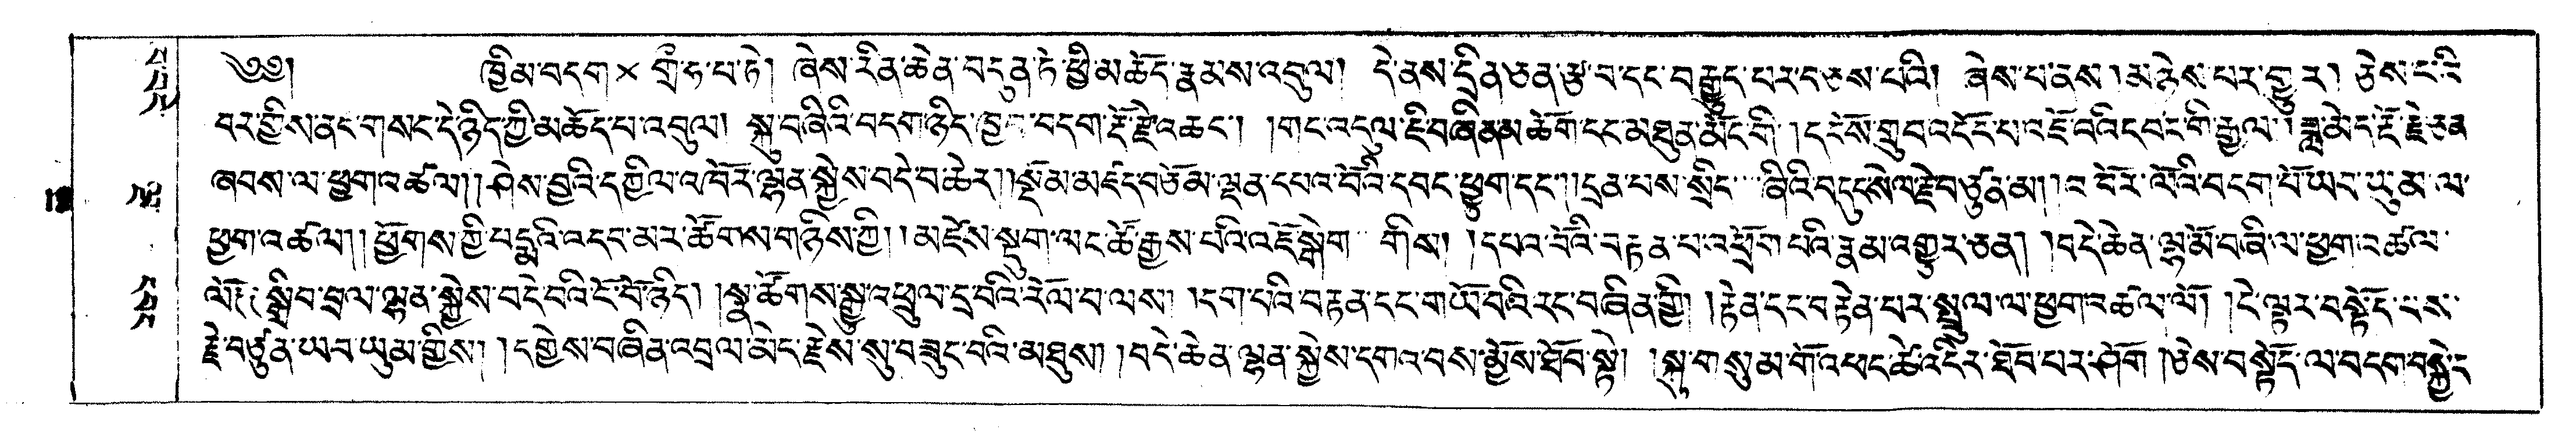༄༅། །ཁྱིམ་བདག་྾་གྲྀ་ཧ་པ་ཏེ། ཞེས་རིན་ཆེན་བདུན་ཏེ་ཕྱི་མཆོད་རྣམས་འབུལ། དེ་ནས་དྲིན་ཅན་རྩ་བ་དང་བརྒྱུད་པར་བཅས་པའི། ཞེས་པ་ནས། མཉེས་པར་གྱུར། ཅེས་པའི་
བར་གྱིས་ནང་གསང་དེ་ཉིད་ཀྱི་མཆོད་པ་འབུལ། སྐུ་བཞིའི་བདག་ཉིད་ཁྱབ་བདག་རྡོ་རྗེ་འཆང་། །གང་འདུལ་ཇི་བཞིན་མཆོག་དང་མཐུན་མོང་གི །དངོས་གྲུབ་འདོད་པ་འཇོ་བའི་དབང་གི་རྒྱལ། ཟླ་མེད་རྡོ་རྗེ་ཅན་
ཞབས་ལ་ཕྱག་འཚལ། །ཤེས་བྱའི་དཀྱིལ་འཁོར་ལྷན་སྐྱེས་བདེ་བ་ཆེར། །སྡོམ་མཛད་བཅོམ་ལྡན་དཔའ་བོའི་དབང་ཕྱུག་དང་། །དྲན་པས་སྲིད་ཞིའི་བདུང་སེལ་རྗེ་བཙུན་མ། །འཁོར་ལོའི་བདག་པོ་ཡབ་ཡུམ་ལ་
ཕྱག་འཚལ། །ཕྱོགས་ཀྱི་པདམའི་འདབ་མར་ཚོགས་གཉིས་ཀྱི། །མཛེས་སྡུག་ལང་ཚོ་རྒྱས་པའི་འཇོ་སྒེག་གིས། །དཔའ་བོའི་བརྟན་པ་འཕྲོག་པའི་རྣམ་འགྱུར་ཅན། །བདེ་ཆེན་ལྷ་མོ་བཞི་ལ་ཕྱག་འཚལ་
ལོ༑ ༑སྒྲིབ་བྲལ་ལྷན་སྐྱེས་བདེ་བའི་ངོ་བོ་ཉིད། །སྣ་ཚོགས་སྒྱུ་འཕྲུལ་དྲ་བའི་རོལ་བ་ལས། །དག་པའི་བརྟན་དང་གཡོ་བའི་རང་བཞིན་གྱི། །རྟེན་དང་བརྟེན་པར་སྤྲུལ་ལ་ཕྱག་འཚལ་ལོ། །དེ་ལྟར་བསྟོད་པས་
རྗེ་བཙུན་ཡབ་ཡུམ་གྱིས། །དགྱེས་བཞིན་འབྲལ་མེད་རྗེས་སུ་བཟུང་བའི་མཐུས། །བདེ་ཆེན་ལྷན་སྐྱེས་དགའ་བས་མྱོས་ཐོབ་སྟེ། །སྐུ་གསུམ་གོ་འཕང་ཚེ་འདིར་ཐོབ་པར་ཤོག །ཅེས་བསྟོད་ལ་བདག་བསྐྱེད་